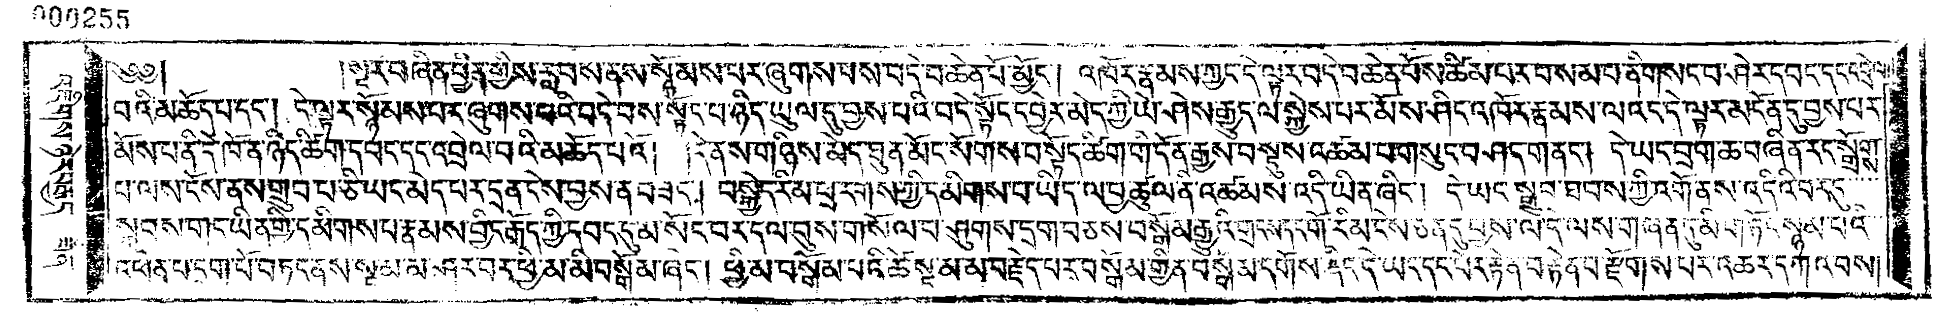༄༅། །སྔར་བཞིན་བྱིན་གྱིས་རླབས་ནས་སྙོམས་པར་ཞུགས་པས་བདེ་བ་ཆེན་པོ་མྱོང་། འཁོར་རྣམས་ཀྱང་དེ་ལྟར་བདེ་བ་ཆེན་པོས་ཚིམ་པར་བསམ་པ་ནི་གསང་བ་ཤེར་དབང་དང་འབྲེལ་
བའི་མཆོད་པ་དང་། དེ་ལྟར་སྙོམས་པར་ཞུགས་པའི་བདེ་བས་སྟོང་པ་ཉིད་ཡུལ་དུ་བྱས་པའི་བདེ་སྟོང་དབྱེར་མེད་ཀྱི་ཡེ་ཤེས་རྒྱུད་ལ་སྐྱེས་པར་མོས་ཤིང་འཁོར་རྣམས་ལའང་དེ་ལྟར་མངོན་དུ་བྱས་པར་
མོས་པ་ནི་དེ་ཁོ་ན་ཉིད་ཚིག་དབང་དང་འབྲེལ་བའི་མཆོད་པའོ། །དེ་ནས་གཉིས་མེད་ཐུན་མོང་སོགས་བསྟོད་ཚིག་གི་དོན་རྒྱས་བསྡུས་འཚམ་པ་གསུང་བཤད་གནང་། དེ་ཡང་བྲག་ཆ་བཞིན་རང་སྒྲོགས་
པ་ལས་ངོས་ནས་གྲུབ་པ་ཅི་ཡང་མེད་པར་དྲན་ངེས་བྱས་ན་བཟང་། བསྐྱེད་རིམ་ཕྲ་རགས་ཀྱི་དམིགས་པ་ཡིད་ལ་བྱ་ཚུལ་ནི་འཚམས་འདི་ཡིན་ཞིང་། དེ་ཡང་སྒྲུབ་ཐབས་ཀྱི་འགོ་ནས་འདིའི་བར་དུ་
སྐབས་གང་ཡིན་གྱི་དམིགས་པ་རྣམས་བྱིང་རྒོད་ཀྱི་དབང་དུ་མ་སོང་བར་དལ་བུས་གསོལ་བ་ཤུགས་དྲག་བཅས་བསྒོམ་རྒྱུའི་གྲངས་དང་གོ་རིམ་ངེས་ཅན་དུ་བྱས་ལ་དེ་ལས་གཞན་དུ་མི་གཏོང་སྙམ་པའི་
འཕེན་པ་དྲག་པོ་བཏང་ནས་སྔ་མ་མ་ཤར་བར་ཕྱི་མ་མི་བསྒོམ་ཞིང་། ཕྱི་མ་བསྒོམ་པའི་ཚེ་སྔ་མ་མ་བརྗེད་པར་བསྒོམ་གྱིན་བསྒོམ་དགོས་ཞིང་དེ་ཡང་དང་པོར་རྟེན་བརྟེན་པ་རྫོགས་པར་འཆར་དཀའ་བས།